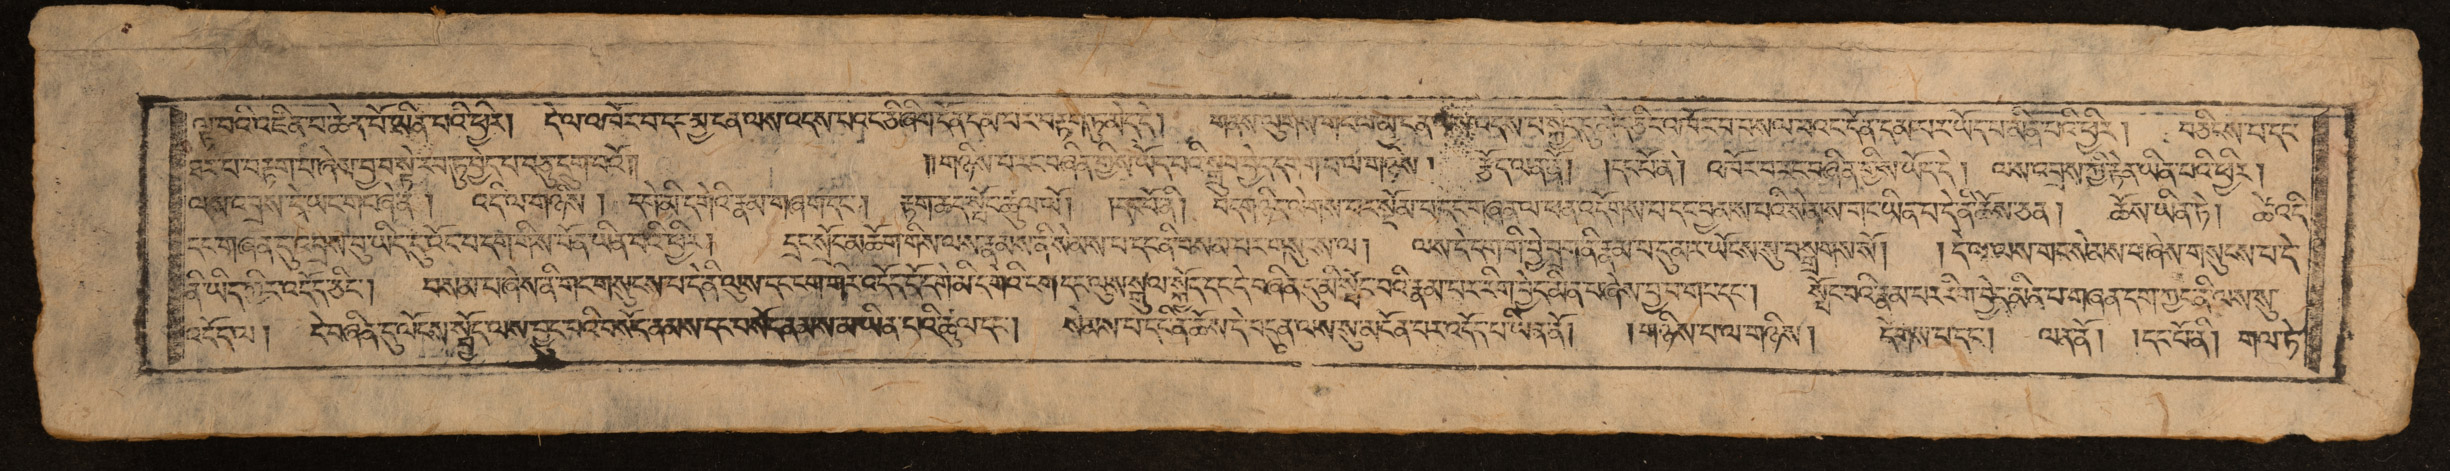ལྟ་བའི་འཛིན་པ་ཆེན་པོ་ཡིན་པའི་ཕྱིར། དེ་ལ་འཁོར་བ་དང་མྱ་ངན་ལས་འདས་པའང་ཅི་ཞིག་དོན་དམ་པར་བརྟག་ཏུ་མེད་དེ། གནས་ལུགས་གང་ལ་མྱ་ངན་ལས་འདས་པ་སྐྱེད་དུ་མེད་ཅིང་འཁོར་བ་བསལ་བའང་དོན་དམ་པར་ཡོད་པ་མིན་པའི་ཕྱིར། བཅིངས་པ་དང་
ཐར་པ་བརྟག་པ་ཞེས་བྱ་བ་སྟེ་རབ་ཏུ་བྱེད་པ་བཅུ་དྲུག་པའོ།། །།གཉིས་པ་རང་བཞིན་གྱིས་ཡོད་པའི་སྒྲུབ་བྱེད་དགག་པ་ལ་གཉིས། རྩོད་ལན་ནོ། །དང་པོ་ནི། འཁོར་བ་རང་བཞིན་གྱིས་ཡོད་དེ། ལས་འབྲས་ཀྱི་རྟེན་ཡིན་པའི་ཕྱིར།
ལས་འབྲས་དེ་ཡང་གང་ཞེ་ན། འདི་ལ་གཉིས། དགེ་མི་དགེའི་རྣམ་གཞག་དང་། རྟག་ཆད་སྤོང་ཆུལ་ལོ། །དང་པོ་ནི། བདག་ཉིད་ལེགས་པར་སྡོམ་པ་དང་གཞན་ལ་ཕན་འདོགས་པ་དང་བྱམས་པའི་སེམས་གང་ཡིན་པ་དེ་ནི་ཆོས་ཅན། ཆོས་ཡིན་ཏེ། ཚེ་འདི་
དང་གཞན་དུ་འབྲས་བུ་ཡིད་དུ་འོང་བ་དག་གི་ས་བོན་ཡིན་པའི་ཕྱིར། དྲང་སྲོང་མཆོག་གིས་ལས་རྣམས་ནི་སེམས་པ་དང་ནི་བསམ་པར་གསུངས་ལ། ལས་དེ་དག་གི་བྱེ་བྲག་ནི་རྣམ་པ་དུ་མར་ཡོངས་སུ་བསྒྲགས་སོ། །དེ་ལ་ལས་གང་སེམས་པ་ཞེས་གསུངས་པ་དེ་
ནི་ཡིད་ཀྱིར་འདོད་ཅིང་། བསམ་པ་ཞེས་ནི་གང་གསུངས་པ་དེ་ནི་ལུས་དང་ངག་གིར་འདོད་དོ་དགེ་མི་དགེའི་ངག་དང་ལུས་སྒུལ་སྐྱོད་དང་དེ་བཞིན་དུ་མི་སྤོང་བའི་རྣམ་པར་རིག་བྱེད་མིན་པ་ཞེས་བྱ་བ་གང་དང་། སྤོང་བའི་རྣམ་པར་རིག་བྱེད་མིན་པ་གཞན་དག་ཀྱང་ནི་ལས་སུ་
འདོད་ལ། དེ་བཞིན་དུ་ལོངས་སྤྱོད་ལས་བྱུང་བའི་བསོད་ནམས་དང་བསོད་ནམས་མ་ཡིན་པའི་ཚུལ་དང་། སེམས་པ་དང་ནི་ཆོས་དེ་བདུན་ལས་སུ་མངོན་པར་འདོད་པ་ཡིན་ནོ། །གཉིས་པ་ལ་གཉིས། དོགས་པ་དང་། ལན་ནོ། །དང་པོ་ནི། གལ་ཏེ་